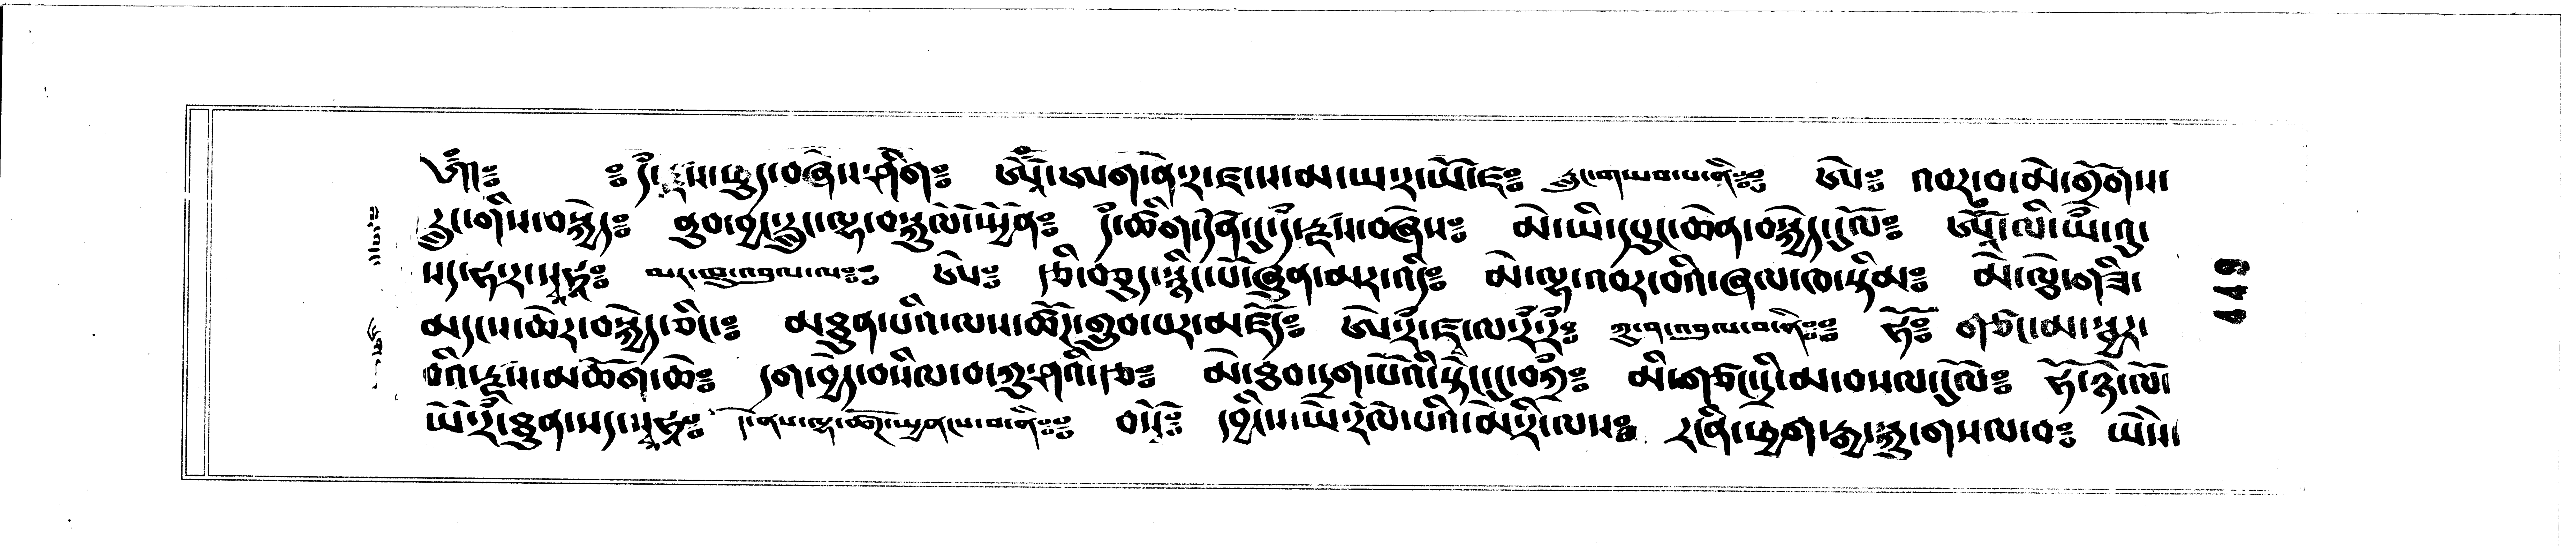༔དམ་རྫས་ཕུད་བཞེས་ཤིག༔ཨཱོཾ་ཨག་ནེ་ར་ཛ་ས་མ་ཡ་ར་ཡོ་ཛ༔རླུང་གཡབ་པ་ནི༔༔ཨེ༔འབར་བ་མེ་གྲོགས་
རླུང་གིས་བསྐྱེད༔ནུབ་བྱང་རླུང་ལྷ་བསྐུལ་ལོ་སྤྱོན༔དམ་ཚིག་དོན་དུ་དམ་རྫས་བཞེས༔མེ་ཡི་དཔུང་ཆེན་བསྐྱེད་དུ་གསོལ༔ཨཱོཾ་ལི་ཡཾ་འུ་
སད་ཧ་ར་སྭཧཱ༔མར་ཁུ་འབུལ་ལ༔༔ཨེ༔རྩི་བཅུད་སྙིང་པོ་ཞུན་མར་འདི༔མེ་ལྷ་འབར་བའི་ཞལ་ཁ་སྟིམ༔མེ་ལྕེ་གཟི་
མདངས་ཆེར་བསྐྱེད་ཅིང་༔མཐུན་པའི་ལས་ཚོགས་གྲུབ་པར་མཛོད༔ཨེ་རཾ་ཛྭ་ལ་རཾ་རཾ༔ཀུ་ཤ་འབུལ་བ་ནི༔༔ཧོ༔གཙང་མ་སྦྱར་
བའི་རྫས་མཆོག་ཆེ༔དག་བྱེད་བསིལ་བ་ཀུ་ཤའི་རྩ༔མེ་ཐབ་དྲག་པོའི་སྟེང་དུ་བཀྲམ༔མི་གཙང་དྲི་མ་བསལ་དུ་གསོལ༔ཧོ་ཉེ་ལོ་
ཡོ་རཾ་ཐུན་སད་སྭཧཱ༔དེ་ནས་ལྷ་ཚོགས་སྤྱན་དྲངས་པ་ནི༔བསྭོ༔དབྱིངས་ཡེ་རོལ་པའི་མེ་རི་ལས༔ རང་བཞིན་ཕྱག་རྒྱ་སྐུ་གསལ་བ༔ ཡེ་ཤེས་